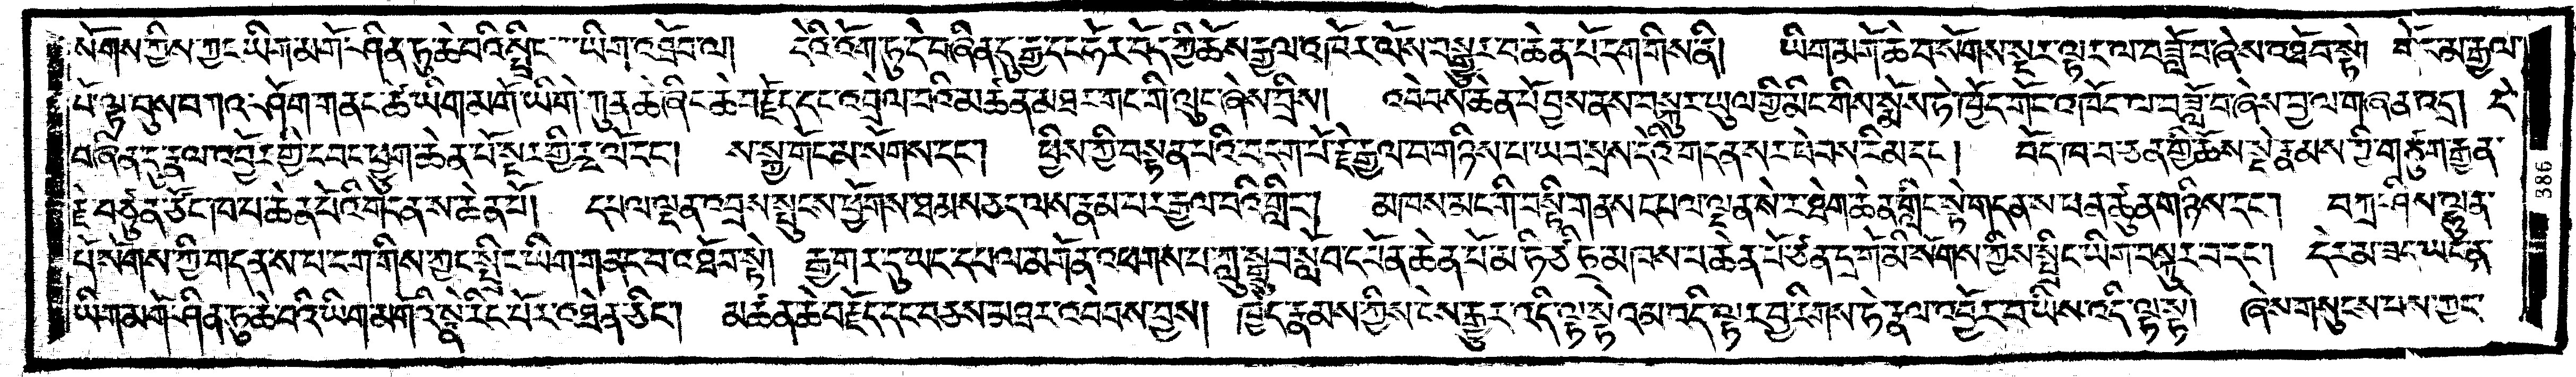སོགས་ཀྱིས་ཀྱང་ཡིག་མགོ་ཤིན་ཏུ་ཆེ་བའི་སྤྲིང་ཡིག་འཐོབ་ལ། དེའི་འོག་ཏུ་དེ་བཞིན་དུ་རྒྱ་དང་ཧོར་བོད་ཀྱི་ཆོས་རྒྱལ་འཁོར་ལོས་བསྒྱུར་བ་ཆེན་པོ་དག་གིས་ནི། ཡིག་མགོ་ཆེ་བ་སོགས་སྔར་ལྟར་ལ་བཟློ་བ་ཞེས་འཐོབ་སྟེ། བོད་མ་རྒྱལ་
པོ་ལྟ་བུས་བཀའ་ཤོག་གནང་ཚ་ཡིག་མགོ་ཡི་གེ་ཀུན་ཆེ་ཞིང་ཆེ་བརྗོད་དང་འབྲེལ་བའི་མཚན་མཐར་གང་གི་ལུང་ཞེས་བྲིས། འབེབས་ཆེན་པོ་བྱས་ནས་བསྐུར་ཡུལ་གྱི་མིང་གིས་སྨོས་ཏེ་ཁྱོད་གོང་འཁོང་ལ་བཟློ་བ་ཞེས་བྱ་ལ་གཞན་འདྲ། དེ་
བཞིན་དུ་རྣལ་འབྱོར་གྱི་དབང་ཕྱུག་ཆེན་པོ་སྔར་གྱི་རྭ་ལོ་དང་། ས་སྐྱ་གོང་མ་སོགས་དང་། ཕྱིས་ཀྱི་བསྟན་པའི་བདག་པོ་རྗེ་རྒྱལ་བ་གཉིས་པ་ཡབ་སྲས་དེའི་གདན་སར་ཕེབས་རིམ་དང་། བོད་ཁ་བ་ཅན་གྱི་ཆོས་སྡེ་རྣམས་ཀྱི་གཙུག་རྒྱན་
རྗེ་བཙུན་ཙོང་ཁ་པ་ཆེན་པོའི་གང་ནས་ཆེན་པོ། དཔལ་ལྡན་འབྲས་སྤུངས་ཕྱོགས་ཐམས་ཅད་ལས་རྣམ་པར་རྒྱལ་བའི་གླིང་། མཁས་མང་གི་བསྟི་གནས་དཔལ་ལྡན་སེར་ཐེག་ཆེན་གླིང་སྟེ་གདན་ས་ཕན་ཚུན་གཉིས་དང་། བཀྲ་ཤིས་ལྷུན་
པོ་སོགས་ཀྱི་གདན་ས་པ་ངག་གིས་ཀྱང་སྤྲིད་ཡིག་གནང་བ་འཐོབ་སྟེ། རྒྱ་གར་དུ་ཡང་དཔལ་མགོན་འཕགས་པ་ཀླུ་སྒྲུབ་སློབ་དཔོན་ཆེན་པོ་མ་ཏི་ཙི་ཏྲ་མཁས་པ་ཆེན་པོ་ཙན་དྲ་གོ་མི་སོགས་ཀྱིས་སྤྲིང་ཡིག་བསྐུར་བ་དང་། དེར་མ་ཟད་ཡང་ན་
ཡིག་མགོ་ཤིན་ཏུ་ཆེ་བའི་ཡིག་མགོའི་སྣེ་རིང་པོར་འཐེན་ཅིང་། མཚན་ཆེ་བརྗོད་དང་བཅས་མཐར་འབེབས་བྱས། །ཁྱེད་རྣམས་ཀྱིས་ངེས་རྒྱུར་འདི་ལྟ་སྟེའམ་འདི་ལྟར་བྱ་རིགས་ཏེ་རྣལ་འབྱོར་བ་ཡིས་འདི་ལྟ་སྟེ། ཞེས་གསུངས་པས་ཀྱང་